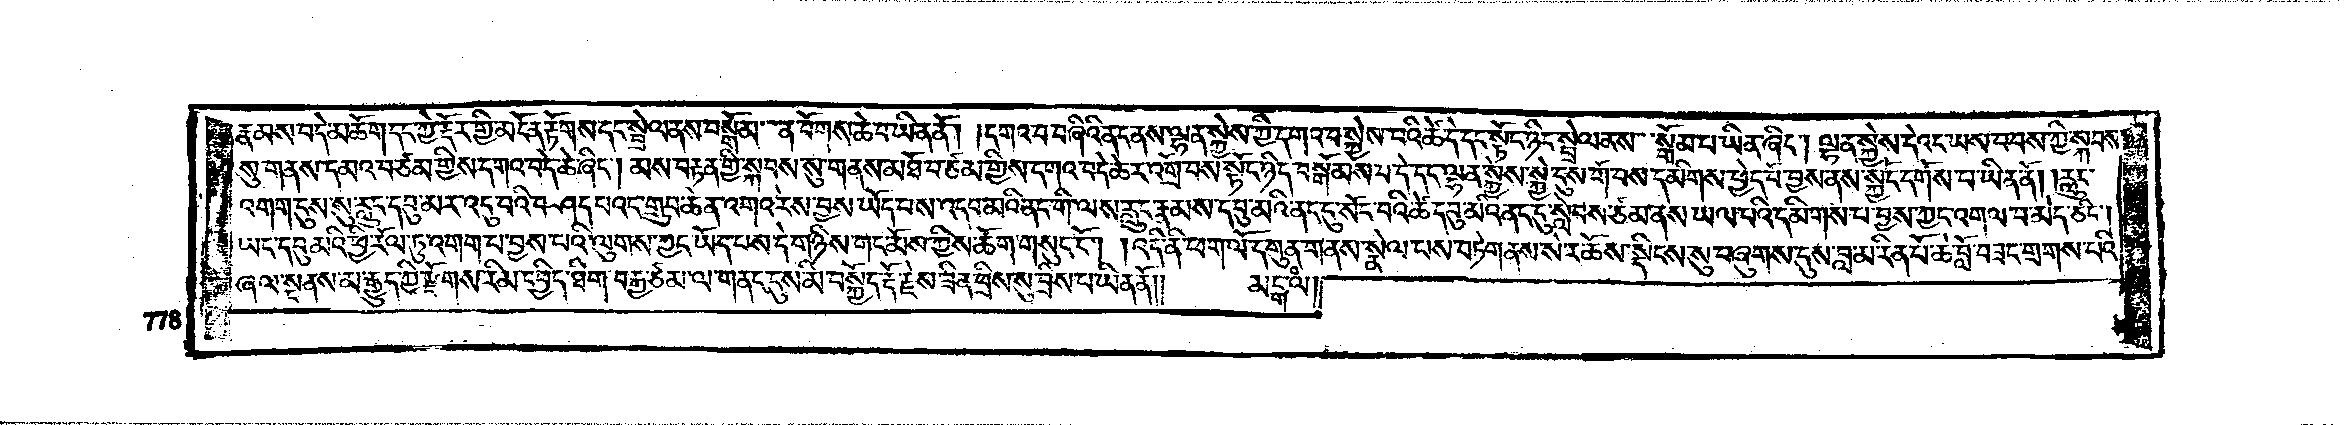རྣམས་བདེ་མཆོག་དང་ཀྱེ་རྡོར་གྱི་མངོན་རྟོགས་དང་སྤྲེལ་ནས་བསྒོམ་ན་བོགས་ཆེ་བ་ཡིན་ནོ། །དགའ་བ་བཞིའི་ནང་ནས་ལྷན་སྐྱེས་ཀྱི་དགའ་བ་སྐྱེས་པའི་ཚེ་དེ་དང་སྟོང་ཉིད་སྦྲེལ་ནས་སྒོམ་པ་ཡིན་ཞིང་། ལྷན་སྐྱེས་དེའང་ཡས་བབས་ཀྱི་སྐབས་
སུ་གནས་དམའ་བ་ཙམ་གྱིས་དགའ་བདེ་ཆེ་ཞིང་། མས་བརྟན་གྱི་སྐབས་སུ་གནས་མཐོ་བ་ཙམ་གྱིས་དགའ་བདེ་ཆེར་འགྲོ་བས་སྟོང་ཉིད་བསྒོམས་པ་དེ་དང་ལྷན་སྐྱེས་ཀྱེ་དུས་གོ་བས་དམིགས་ཕྱེད་པོ་བྱས་ནས་སྐྱོང་དགོས་པ་ཡིན་ནོ། །རླུང་
འགག་དུས་སུ་རླུང་དབུ་མར་འདུ་བའི་བཤད་པའང་གྲུབ་ཆེན་འགའ་རེས་བྱས་ཡོད་པས་འདབ་མའི་ནང་གི་ལས་རླུང་རྣམས་དབུ་མའི་ནང་དུ་སོང་བའི་ཚེ་དབུ་མའི་ནང་དུ་སླེབས་ཙམ་ནས་ཡལ་པའི་དམིགས་པ་བྱས་ཀྱང་འགལ་བ་མེད་ཅིང་།
ཡང་དབུ་མའི་ཕྱི་རོལ་ཏུ་འགག་པ་བྱས་པའི་ལུགས་ཀྱང་ཡོད་པས་དེ་གཉིས་གང་མོས་ཀྱིས་ཆོག་གསུང་ངོ། །འདི་ནི་ཕག་ལོ་དགུན་གནས་སྣེལ་པས་བཏེག་ནས་སེ་ར་ཆོས་སྡིངས་སུ་བཞུགས་དུས་བླ་མ་རིན་པོ་ཆེ་བློ་བཟང་གྲགས་པའི་
ཞལ་སྔ་ནས་མ་རྒྱུད་ཀྱི་རྫོགས་རིམ་དབྱིད་ཐིག་བརྒྱ་ཙམ་ལ་གནང་དུས་མི་བསྐྱོད་རྡོ་རྗེས་ཟིན་བྲིས་སུ་བྲིས་པ་ཡིན་ནོ།། མངྒ་ལཾ། །